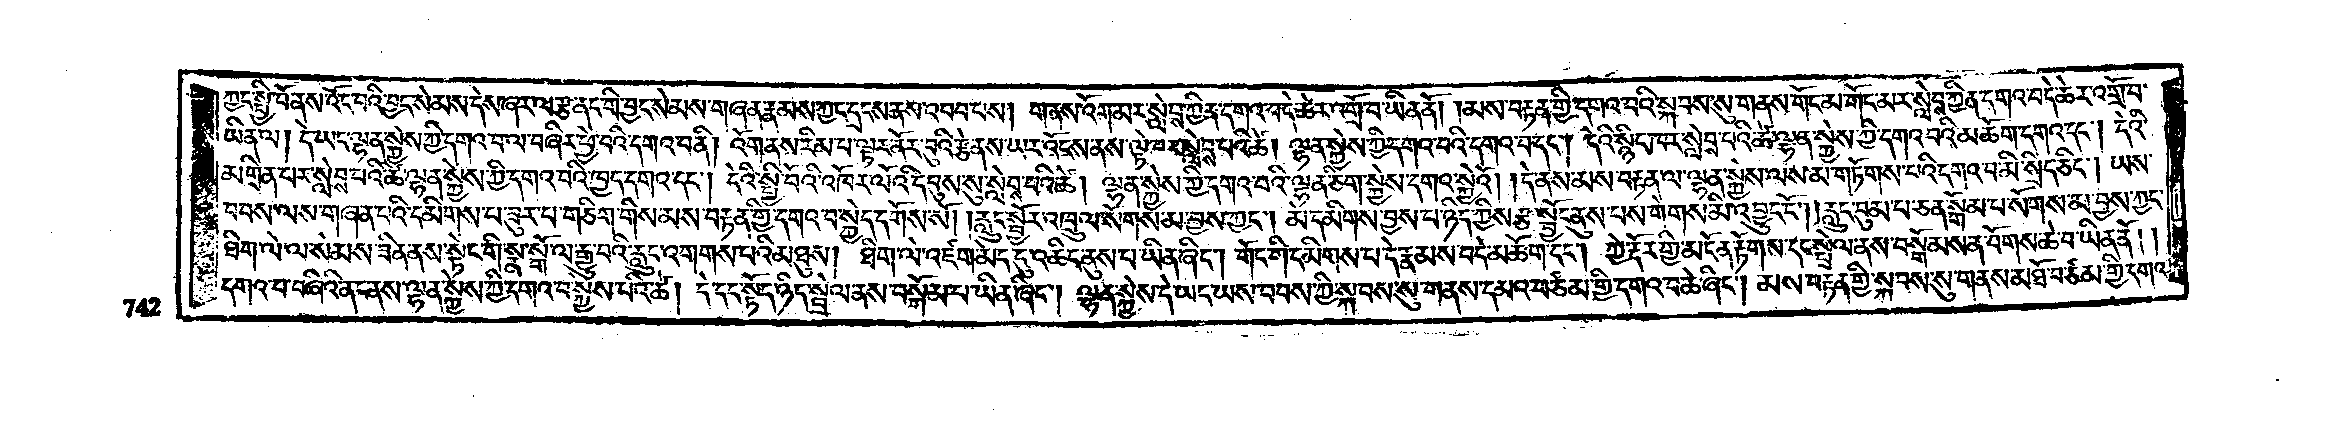ཀྱང་སྤྱི་བོ་ནས་འོང་བའི་བྱང་སེམས་དེས་ཞར་ལ་རྩ་ནང་གི་བྱང་སེམས་གཞན་རྣམས་ཀྱང་དྲངས་ནས་འབབ་པས། གནས་འོག་མར་སླེབས་ཀྱིན་དགའ་བདེ་ཆེར་འགྲོ་བ་ཡིན་ནོ། །མས་བརྟན་གྱི་དགའ་བའི་སྐབས་སུ་གནས་གོང་མ་གོང་མར་སླེབས་ཀྱིན་དགའ་བ་དེ་ཆེར་འགྲོ་བ་
ཡིན་ལ། དེ་ཡང་ལྷན་སྐྱེས་ཀྱི་དགའ་བ་ལ་བཞིར་ཕྱེ་བའི་དགའ་བ་ནི། འོག་ནས་རིམ་པ་ལྟར་ནོར་བུའི་རྩེ་ནས་ཡར་འོངས་ནས་ལྟེ་བར་སླེབས་པའི་ཚེ། ལྷན་སྐྱེས་ཀྱི་དགའ་བའི་དགའ་བ་དང་། དེའི་སྙིང་ཁར་སླེབས་པའི་ཚེ་ལྷན་སྐྱེས་ཀྱི་དགའ་བའི་མཆོག་དགའ་དང་། དེའི་
མགྲིན་པར་སླེབས་པའི་ཚེ་ལྷན་སྐྱེས་ཀྱི་དགའ་བའི་ཁྱད་དགའ་དང་། དེའི་སྤྱི་བོའི་འཁོར་ལོའི་དབུས་སུ་སླེབས་པའི་ཚེ། ལྷན་སྐྱེས་ཀྱི་དགའ་བའི་ལྷན་ཅིག་སྐྱེས་དགའ་སྐྱེའོ། །དེ་ནས་མས་བརྟན་ལ་ལྷན་སྐྱེས་ལས་མ་གཏོགས་པའི་དགའ་བ་མི་སྲིད་ཅིང་། ཡས་
བབས་ལས་གཞན་པའི་དམིགས་པ་ཟུར་པ་གཅིག་གིས་མས་བརྟན་གྱི་དགའ་བ་སྐྱེད་དགོས་སོ། །རླུང་སྦྱོར་འཁྲུལ་སོགས་མ་བྱས་ཀྱང་། མེ་དམིགས་བྱས་པ་ཉིད་ཀྱིས་རྩ་སྦྱོང་ནུས་པས་གེགས་མི་འབྱུང་ངོ། །རླུང་བུམ་པ་ཅན་སྒོམ་པ་སོགས་མ་བྱས་ཀྱང་
ཐིག་ལེ་ལ་སེམས་ཟིན་ནས་སྟེང་གི་སྣ་སྒོ་ལ་རྒྱུ་བའི་རླུང་འགགས་པའི་མཐུས། ཐིག་ལེ་འཛག་མེད་དུ་འཆིང་ནུས་པ་ཡིན་ཞིང་། གོང་གི་དམིགས་པ་དེ་རྣམས་བདེ་མཆོག་དང་། ཀྱེ་རྡོར་གྱི་མངོན་རྟོགས་དང་སྤྲེལ་ནས་བསྒོམས་ན་བོགས་ཆེ་བ་ཡིན་ནོ། །
དགའ་བ་བཞིའི་ནང་ནས་ལྷན་སྐྱེས་ཀྱི་དགའ་བ་སྐྱེས་པའི་ཚེ། དེ་དང་སྟོང་ཉིད་སྦྲེལ་ནས་བསྒོམ་པ་ཡིན་ཞིང་། ལྷན་སྐྱེས་དེ་ཡང་ཡས་བབས་ཀྱི་སྐབས་སུ་གནས་དམའ་བ་ཙམ་གྱི་དགའ་བ་ཆེ་ཞིང་། མས་བརྟན་གྱི་སྐབས་སུ་གནས་མཐོ་བ་ཙམ་གྱི་དགའ་